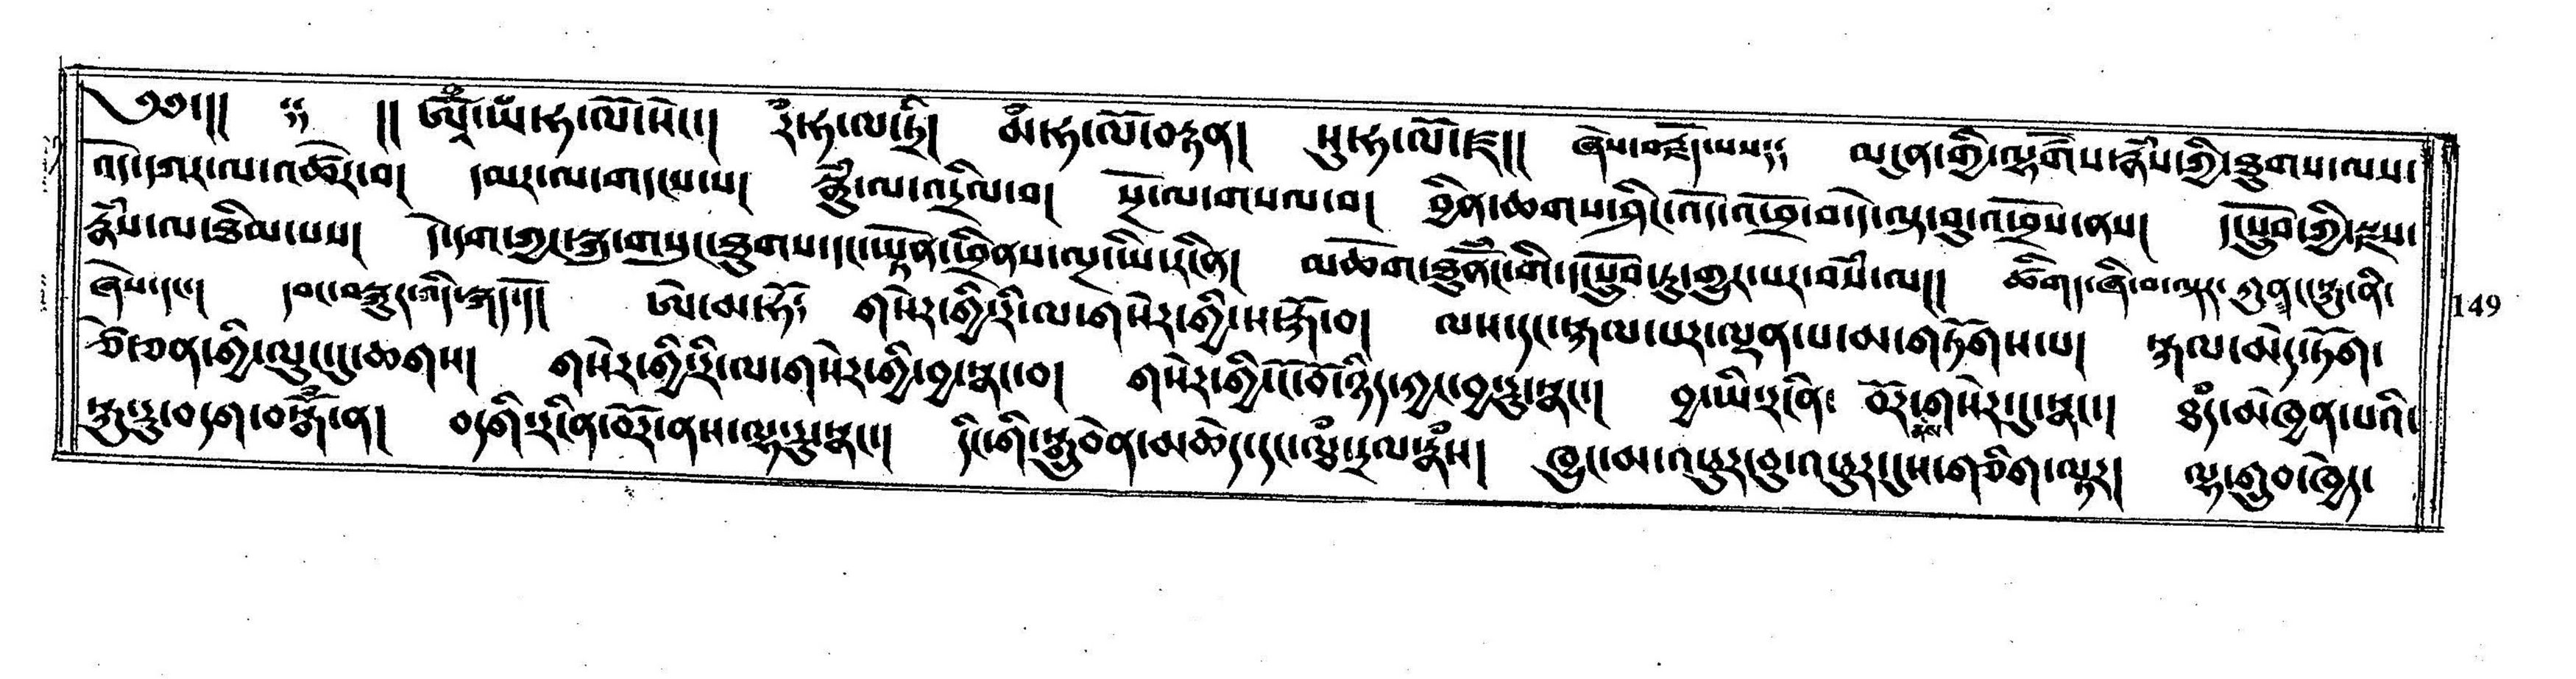ཨཱོཾ་ཡཾ་ཧ་ལོ་སེང་། རཾ་ཧ་ལ་ཏྲི། མཾ་ཧ་ལོ་བརྟན། སུ་ཧ་ལོ་ཛ།། ཞེས་བརྗོད་པས མདུན་གྱི་ལྷ་ཚོགས་རྣམས་ཀྱི་ཐུགས་ལས་
འོད་དཀར་ལ་འཚེར་བ། དམར་ལ་གདངས་པ། སྣུམ་ལ་འདྲིལ་བ། སྔོ་ལ་གསལ་བ། བྱིན་ཆགས་ཤིང་འོད་འཕྲོ་བ་དེ་ལྟ་བུ་འཕྲོས་ནས། དངོས་གྲུབ་ཀྱི་རྫས་
རྣམས་ལ་ཐིམ་པས། དེ་དག་ཀྱང་སྐུ་གསུང་ཐུགས་དང་ཡོན་ཏན་ཕྲིན་ལས་ལྔ་ཡི་རང་བཞིན། མཆོག་ཐུན་མོང་གི་དངོས་གྲུབ་ཏུ་གྱུར་པར་བསམ་ལ།། ཚིག་བཤད་ཞི་བ་ལྟར་ཀུན་བཟང་སྐུ་ནི་
ཞེས་དང་། དབང་བསྐུར་འདི་སྐད་དོ། ཨེ་མ་ཧོ གསེར་གྱི་རི་ལ་གསེར་གྱི་ས་རྐོ་བ། ལས་དང་སྐལ་པར་ལྡན་པ་མ་གཏོགས་པ། སྐལ་མེད་ཏོག་
ཙེ་ཅན་གྱི་ལུང་དུ་ཆགས། གསེར་གྱི་རི་ལ་གསེར་གྱི་བྱ་སྣང་བ། གསེར་གྱི་ངོ་བོ་ཉིད་ཀྱང་བྱ་རུ་སྣང་། བྱ་ཡི་རང་བཞིན་བོར་ནས་གསེར་དུ་སྣང་། ཐམས་ཅད་མཁྱེན་པའི་
སྐུ་རུ་བདག་བསྒོམ་ན། བདག་གི་རང་བཞིན་བོར་ནས་ལྷ་རུ་སྣང་། དིང་གི་སྒྲུབ་གཤེན་མཆེད་དང་ལྕམ་དྲལ་རྣམས། ཁྱུང་མ་འཕུར་བུ་འཕུར་དུས་གཅིག་ལྟར། ལྷ་གྲུབ་ཁྱེད་